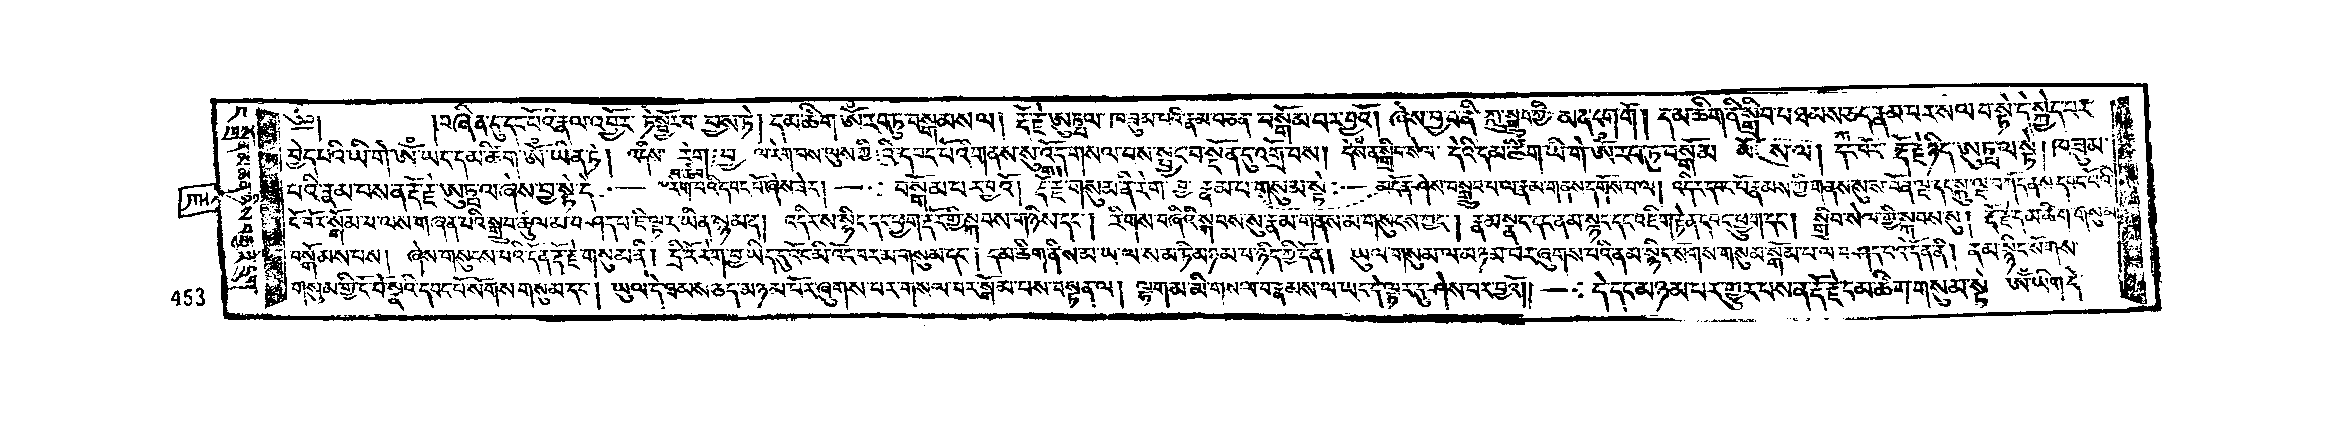༄༅། །བཞིན་དུ་དང་པོའི་རྣལ་འབྱོར་ཏེ་སྦྱོར་བ་བྱས་ཏེ། དམ་ཚིག་ཨོཾ་རབ་ཏུ་བསྒོམས་ལ། རྡོ་རྗེ་ཨུདཔལ་ཁ་ཟུམ་པའི་རྣམ་པ་ཅན་བསྒོམ་པར་བྱའོ། ཞེས་བྱ་བ་ནི་ཀླུ་སྒྲུབ་ཀྱི་མན་ངག་གོ །དམ་ཚིག་ནི་སྒྲིབ་པ་ཐམས་ཅད་རྣམ་པར་སེལ་བ་སྟེ་དེ་སྐྱེད་པར་
བྱེད་པའི་ཡི་གེ་ཨོཾ་ཡང་དམ་ཚིག་ཨོཾ་ཡིན་ཏེ། འདས་རེག་བྱ་ལ་རེག་པས་ལུས་ཀྱི་འི་དབང་པོའི་གནས་སུ་འོད་གསལ་བས་སྦྱང་བ་སྔོན་དུ་འགྲོ་བས། དེས་ན་སྒྲིབ་སེལ་དེའི་དམ་ཚིག་ཡི་གེ་ཨོཾ་རབ་ཏུ་བསྒོམ་མོ་ས་ལ། ཀ་དང་པོར་རྡོ་རྗེ་ཉིད་ཨུཏྤ་ལ་སྟེ། ཁ་བུམ་
པའི་རྣམ་པས་ན་རྡོ་རྗེ་ཨུཏྤ་ལ་ཞེས་བྱ་སྟེ་དེཿ་རིག་པ་ཚབ་པའི་དབང་པོ་ཞེས་ཟེར། .H བསྒོམ་པར་བྱའོ། །ག་རྡོ་རྗེ་གསུམ་ནི་རེག་བྱ་རྣམ་པ་གསུམ་སྟེཿ་མངོན་ཤེས་བསྒྲུབ་པ་ལ་རྣམ་གནས་དགོས་པ་ལ། འདིར་དབང་པོ་རྣམས་ཀྱི་གནས་སུ་ས་བོན་ལྔ་དང་སྐུ་ལ་བཀོད་ནས་དབང་པོའི་
ངོ་བོར་སྒོམ་པ་ལས་གཞན་པའི་སྒྲུབ་ཚུལ་མ་བཤད་པ་ཇི་ལྟར་ཡིན་སྙམ་ན། འདིར་ས་སྙིང་དང་ཕྱག་རྡོར་གྱི་སྐབས་གཉིས་དང་། རིགས་བཞིའི་སྐབས་སུ་རྣམ་གནས་མ་གསུངས་ཀྱང་། རྣམ་སྣང་དང་ནམ་སྙོང་དང་འཇིག་རྟེན་དབང་ཕྱུག་དང་། སྒྲིབ་སེལ་གྱི་སྐབས་སུ། རྡོ་རྗེ་དམ་ཚིག་གསུམ་
བསྒོམས་པས། ཞེས་གསུངས་པའི་དོན་རྡོ་རྗེ་གསུམ་ནི། དྲི་རོ་རེག་བྱ་ཡིད་དུ་འོང་མི་འོང་བར་མ་གསུམ་དང་། དམ་ཚིག་ནི་ས་མ་ཡ་ལ་ས་མ་ཏི་མཉམ་པ་ཉིད་ཀྱི་དོན། ཡུལ་གསུམ་ལ་མཉམ་པར་ཞུགས་པའི་ནམ་སྙིང་སོགས་གསུམ་སྒོམ་པ་ལ་བཤད་པའི་དོན་ནི། ནམ་སྙིང་སོགས་
གསུམ་གྱི་ངོ་བོ་སྣའི་དབང་པོ་སོགས་གསུམ་དང་། ཡུལ་དེ་ཐམས་ཅད་མཉམ་པོར་ཞུགས་པར་གསལ་བར་སྒོམ་པས་བསྟན་ལ། ལྷག་མ་མི་གསལ་བ་རྣམས་ལ་ཡང་དེ་ལྟར་དུ་ཤེས་པར་བྱའོ།།.H དེ་དང་མཉམ་པར་གྱུར་པས་ན་རྡོ་རྗེ་དམ་ཚིག་གསུམ་སྟེ། ཨོཾ་ཡིག་དེ་